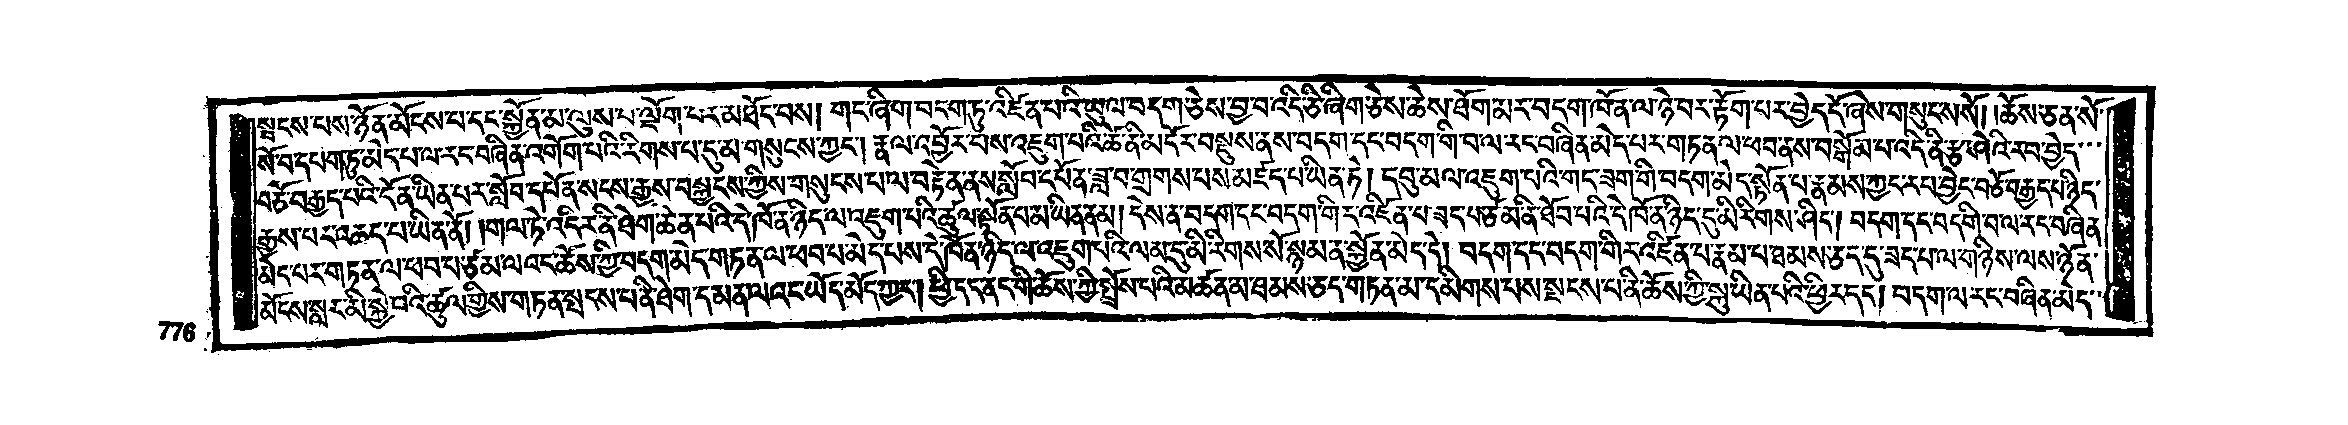སྤངས་པས་ཉོན་མོངས་པ་དང་སྐྱོན་མ་ལུས་པ་ལྡོག་པར་མཐོང་བས། གང་ཞིག་བདག་ཏུ་འཛིན་པའི་ཡུལ་བདག་ཅེས་བྱ་བ་འདི་ཅི་ཞིག་ཅེས་ཆེས་ཐོག་མར་བདག་ཁོ་ན་ལ་ཉེ་བར་རྟོག་པར་བྱེད་དོ་ཞེས་གསུངས་སོ། །ཆོས་ཅན་སོ་
སོ་བ་དཔག་ཏུ་མེད་པ་ལ་རང་བཞིན་འགོག་པའི་རིགས་པ་དུ་མ་གསུངས་ཀྱང་། རྣལ་འབྱོར་པས་འཇུག་པའི་ཚེ་ནི་མདོར་བསྡུས་ནས་བདག་དང་བདག་གི་བ་ལ་རང་བཞིན་མེད་པར་གཏན་ལ་ཕབ་ནས་བསྒོམ་པ་འདི་ནི་རྩ་ཤེའི་རབ་བྱེད་
བཅོ་བརྒྱད་པའི་དོན་ཡིན་པར་སློབ་དཔོན་སངས་རྒྱས་བསྐྱངས་ཀྱིས་གསུངས་པ་ལ་བརྟེན་ནས་སློབ་དཔོན་ཟླ་བ་གྲགས་པས་མཛད་པ་ཡིན་ཏེ། དབུ་མ་ལ་འཇུག་པའི་གང་ཟག་གི་བདག་མེད་སྟོན་པ་རྣམས་ཀྱང་རབ་བྱེད་བཅོ་བརྒྱད་པ་ཉིད་
རྒྱས་པར་འཆད་པ་ཡིན་ནོ། །གལ་ཏེ་འདིར་ནི་ཐེག་ཆེན་པའི་དེ་ཁོ་ན་ཉིད་ལ་འཇུག་པའི་ཚུལ་སྟོན་པ་མ་ཡིན་ནམ། དེས་ན་བདག་དང་བདག་གིར་འཛིན་པ་ཟད་པ་ཙམ་ནི་ཐོབ་བྱའི་དེ་ཁོ་ན་ཉིད་དུ་མི་རིགས་ཤིང་། བདག་དང་བདག་གི་བ་ལ་རང་བཞིན་
མེད་པར་གཏན་ལ་ཕབ་པ་ཙམ་ལའང་ཆོས་ཀྱི་བདག་མེད་གཏན་ལ་ཕབ་པ་མེད་པས་དེ་ཁོ་ན་ཉིད་ལ་འཇུག་པའི་ལམ་དུ་མི་རིགས་སོ་སྙམ་ན་སྐྱོན་མེད་དེ། བདག་དང་བདག་གིར་འཛིན་པ་རྣམ་པ་ཐམས་ཅད་དུ་ཟད་པ་ལ་གཉིས་ལས་ཉོན་
མོངས་སླར་མི་སྐྱེ་བའི་ཚུལ་གྱིས་གཏན་སྤངས་པ་ནི་ཐེག་དམན་ལའང་ཡོད་མོད་ཀྱང་། ཕྱི་དང་ནང་གི་ཆོས་ཀྱི་སྤྲོས་པའི་མཚན་མ་ཐམས་ཅད་གཏན་མ་དམིགས་པས་སྤངས་པ་ནི་ཆོས་ཀྱི་སྐུ་ཡིན་པའི་ཕྱིར་དང་། བདག་ལ་རང་བཞིན་མེད་